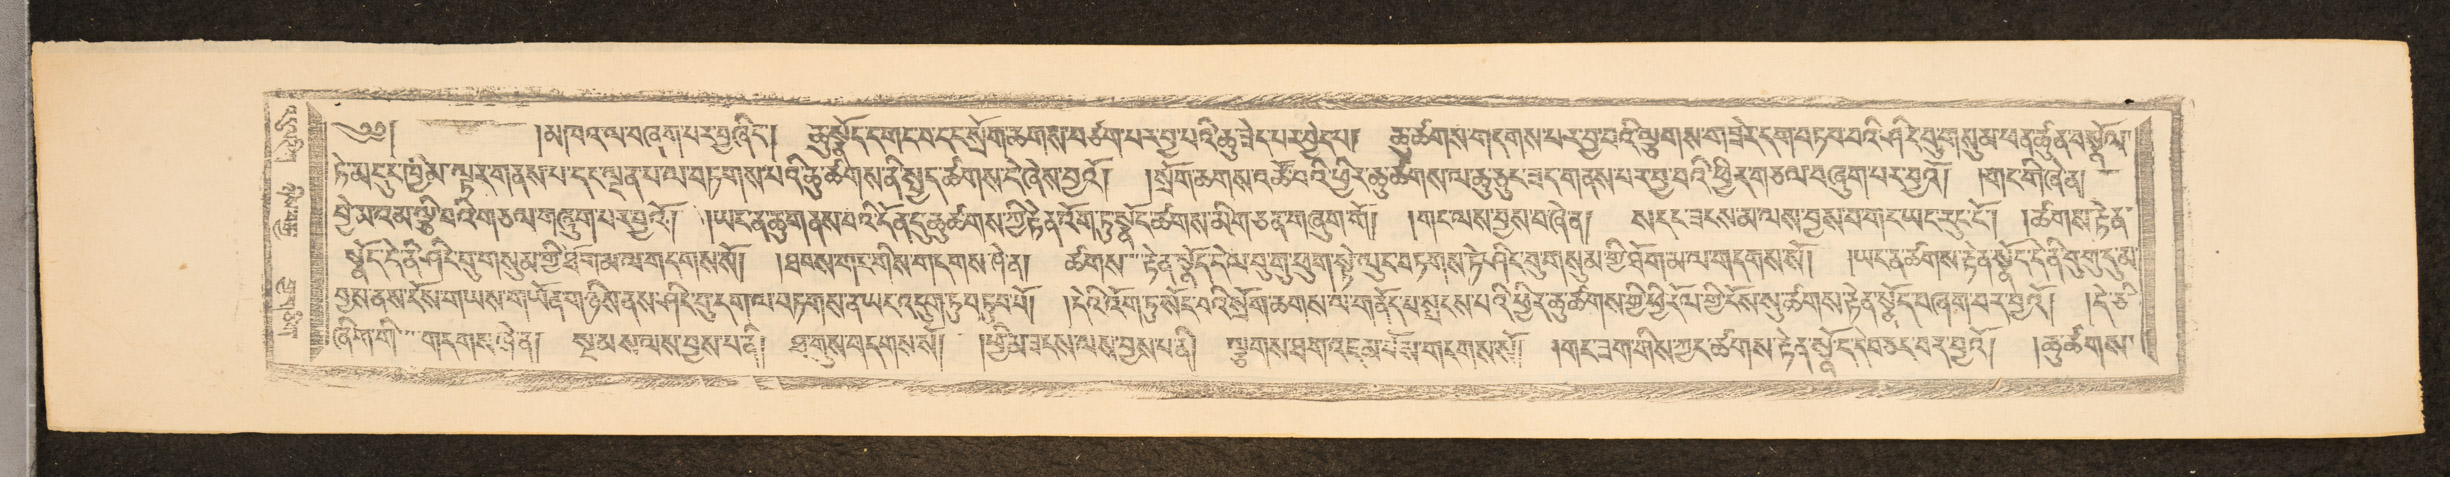༄༅། །མཁའ་ལ་བཞག་པར་བྱ་ཞིང་། ཆུ་སྣོད་དགང་བ་དང་སྲོག་ཆགས་བཙག་པར་བྱ་བའི་ཆུ་ཟེད་པར་བྱེད་པ། ཆུ་ཚགས་གདགས་པར་བྱ་བའི་ལྕགས་གཟེར་དག་བཏབ་པའི་ཤིང་བུ་གསུམ་ཕན་ཚུན་བསྣོལ་
ཏེ་མདུང་ཁྱིམ་ལྟར་གནས་པ་དང་ལྡན་པ་ལ་བཏགས་པའི་ཆུ་ཚགས་ནི་སྤྱང་ཚགས་དེ་ཞེས་བྱའོ། །སྲོག་ཆགས་འཚོ་བའི་ཕྱིར་ཆུ་ཚགས་ལ་ཆུ་ཅུང་ཟད་གནས་པར་བྱ་བའི་ཕྱིར་གཅལ་བཞུག་པར་བྱའོ། །གང་གི་ཞེ་ན།
བྱེ་མ་འམ་ལྕི་བའི་གཅལ་གཞུག་པར་བྱའོ། །ཡང་ན་ཆུ་གནས་པའི་དོན་དུ་ཆུ་ཚགས་ཀྱི་རྟེན་འོག་ཏུ་སྣོད་ཚགས་མིག་ཅན་གཞུག་གོ། །གང་ལས་བྱས་བ་ཞེ་ན། ས་དང་ཟངས་མ་ལས་བྱས་པ་གང་ཡང་རུང་ངོ། །ཚགས་རྟེན་
སྣོད་དེ་ནི་ཤིང་བུ་གསུམ་གྱི་ཐོག་མ་ལ་གདགས་སོ། །ཐབས་གང་གིས་གདགས་ཤེ་ན། ཚགས་རྟེན་སྣོད་དལ་བུ་གུ་ཕུག་སྟེ་ལུང་བཏགས་ཏེ་ཤིང་བུ་གསུམ་གྱི་ཐོག་མ་ལ་གདགས་སོ། །ཡང་ན་ཚགས་རྟེན་སྣོད་དེ་ནི་བུ་གུ་དུ་མ་
བྱས་ནས་ངོས་གཡས་གཡོན་གཉིས་ནས་ཤིང་བུ་དག་ལ་བཏགས་ན་ཡང་འདུག་ཏུ་བཏུབ་པོ། །དེའི་འོག་ཏུ་སོང་བའི་སྲོག་ཆགས་ལ་གནོད་པ་སྤངས་པའི་ཕྱིར་ཆུ་ཚགས་ཀྱི་ཕྱི་རོལ་གྱི་ངོས་སུ་ཚགས་རྟེན་སྣོད་བཞག་པར་བྱའོ། །དེ་ཅི་
ཞིག་གིས་གདགས་ཤེ་ན། སྔ་མས་ལས་བྱས་པ་ནི། ཐ་གུས་གདགས་སོ། །ཕྱི་མ་ཟངས་ལས་བྱས་པ་ནི། ལྕགས་ཐག་འཇམ་པོས་གདགས་སོ། །གང་ཟག་གིས་ཀྱང་ཚགས་རྟེན་སྣོད་དེ་བཅང་བར་བྱའོ། །ཆུ་ཚགས་